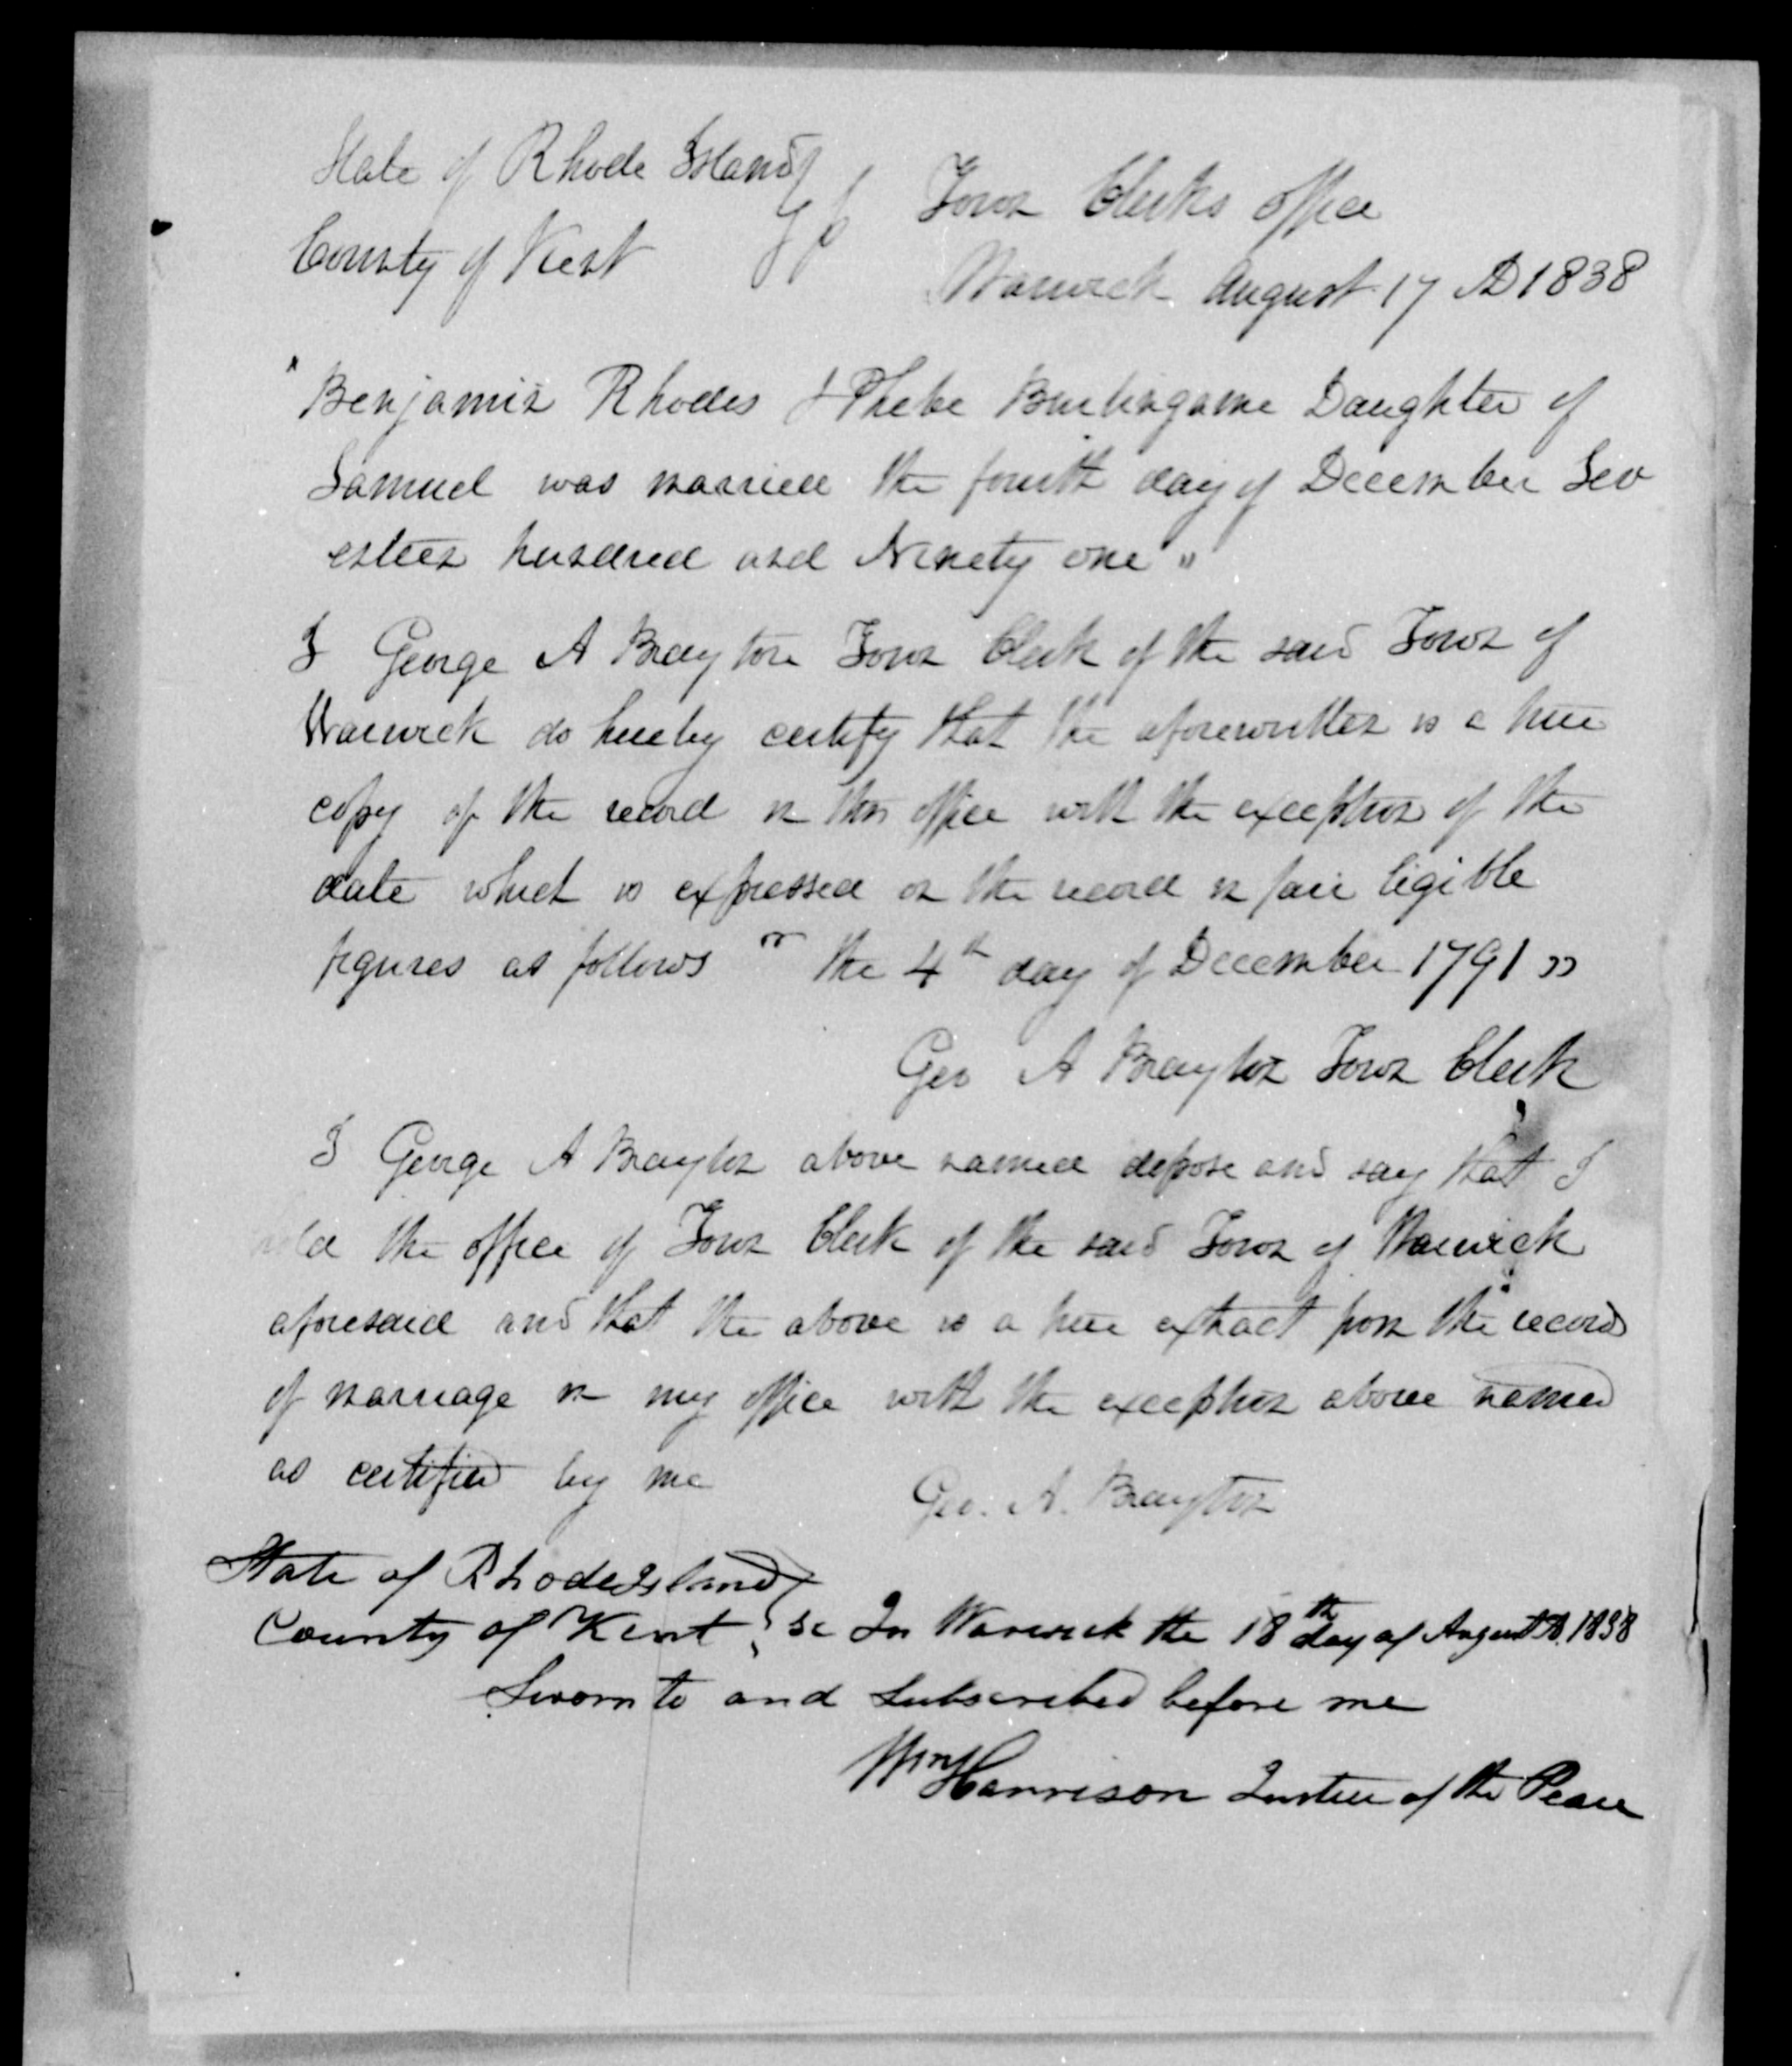State of Rhode Island
County of Kent
Town Clerks Office
Warwick August 17 AD 1838
"Benjamin Rhodes & Phebe Burlingame Daughter of Samuel was married the fourth day of December Seventeen hundred and Ninety one"
I George A Brayton Town Clerk of the said Town of Warwick do hereby certify that the aforewritten is the copy of the record in this office with the exception of the date which is expressed on the record in fair legible figures as follows on the 4th day of December 1791
Geo A Brayton Town Clerk
I George A Brayton above named depose and say that I hold the office of Town Clerk of the said Town of Warwick aforesaid and that the above is a true extract from the record
of marriage in my office with the exception above named as certified by me
Geo. A. Brayton
State of Rhode Island
County of Kent Sc In Warwick the 18 day of August 1838
Sworn to and subscribed before me
Wm Harrison Justice of the Peace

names: Samuel [BLANK]; Geo A Brayton; Benjamin Rhodes; George A Brayton; Phebe Burlingame; Geo A Brayton; George A Brayton; Wm Harrison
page: 10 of 50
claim: widow's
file: W. 22058, for Benjamin Rhodes, Rhode Island